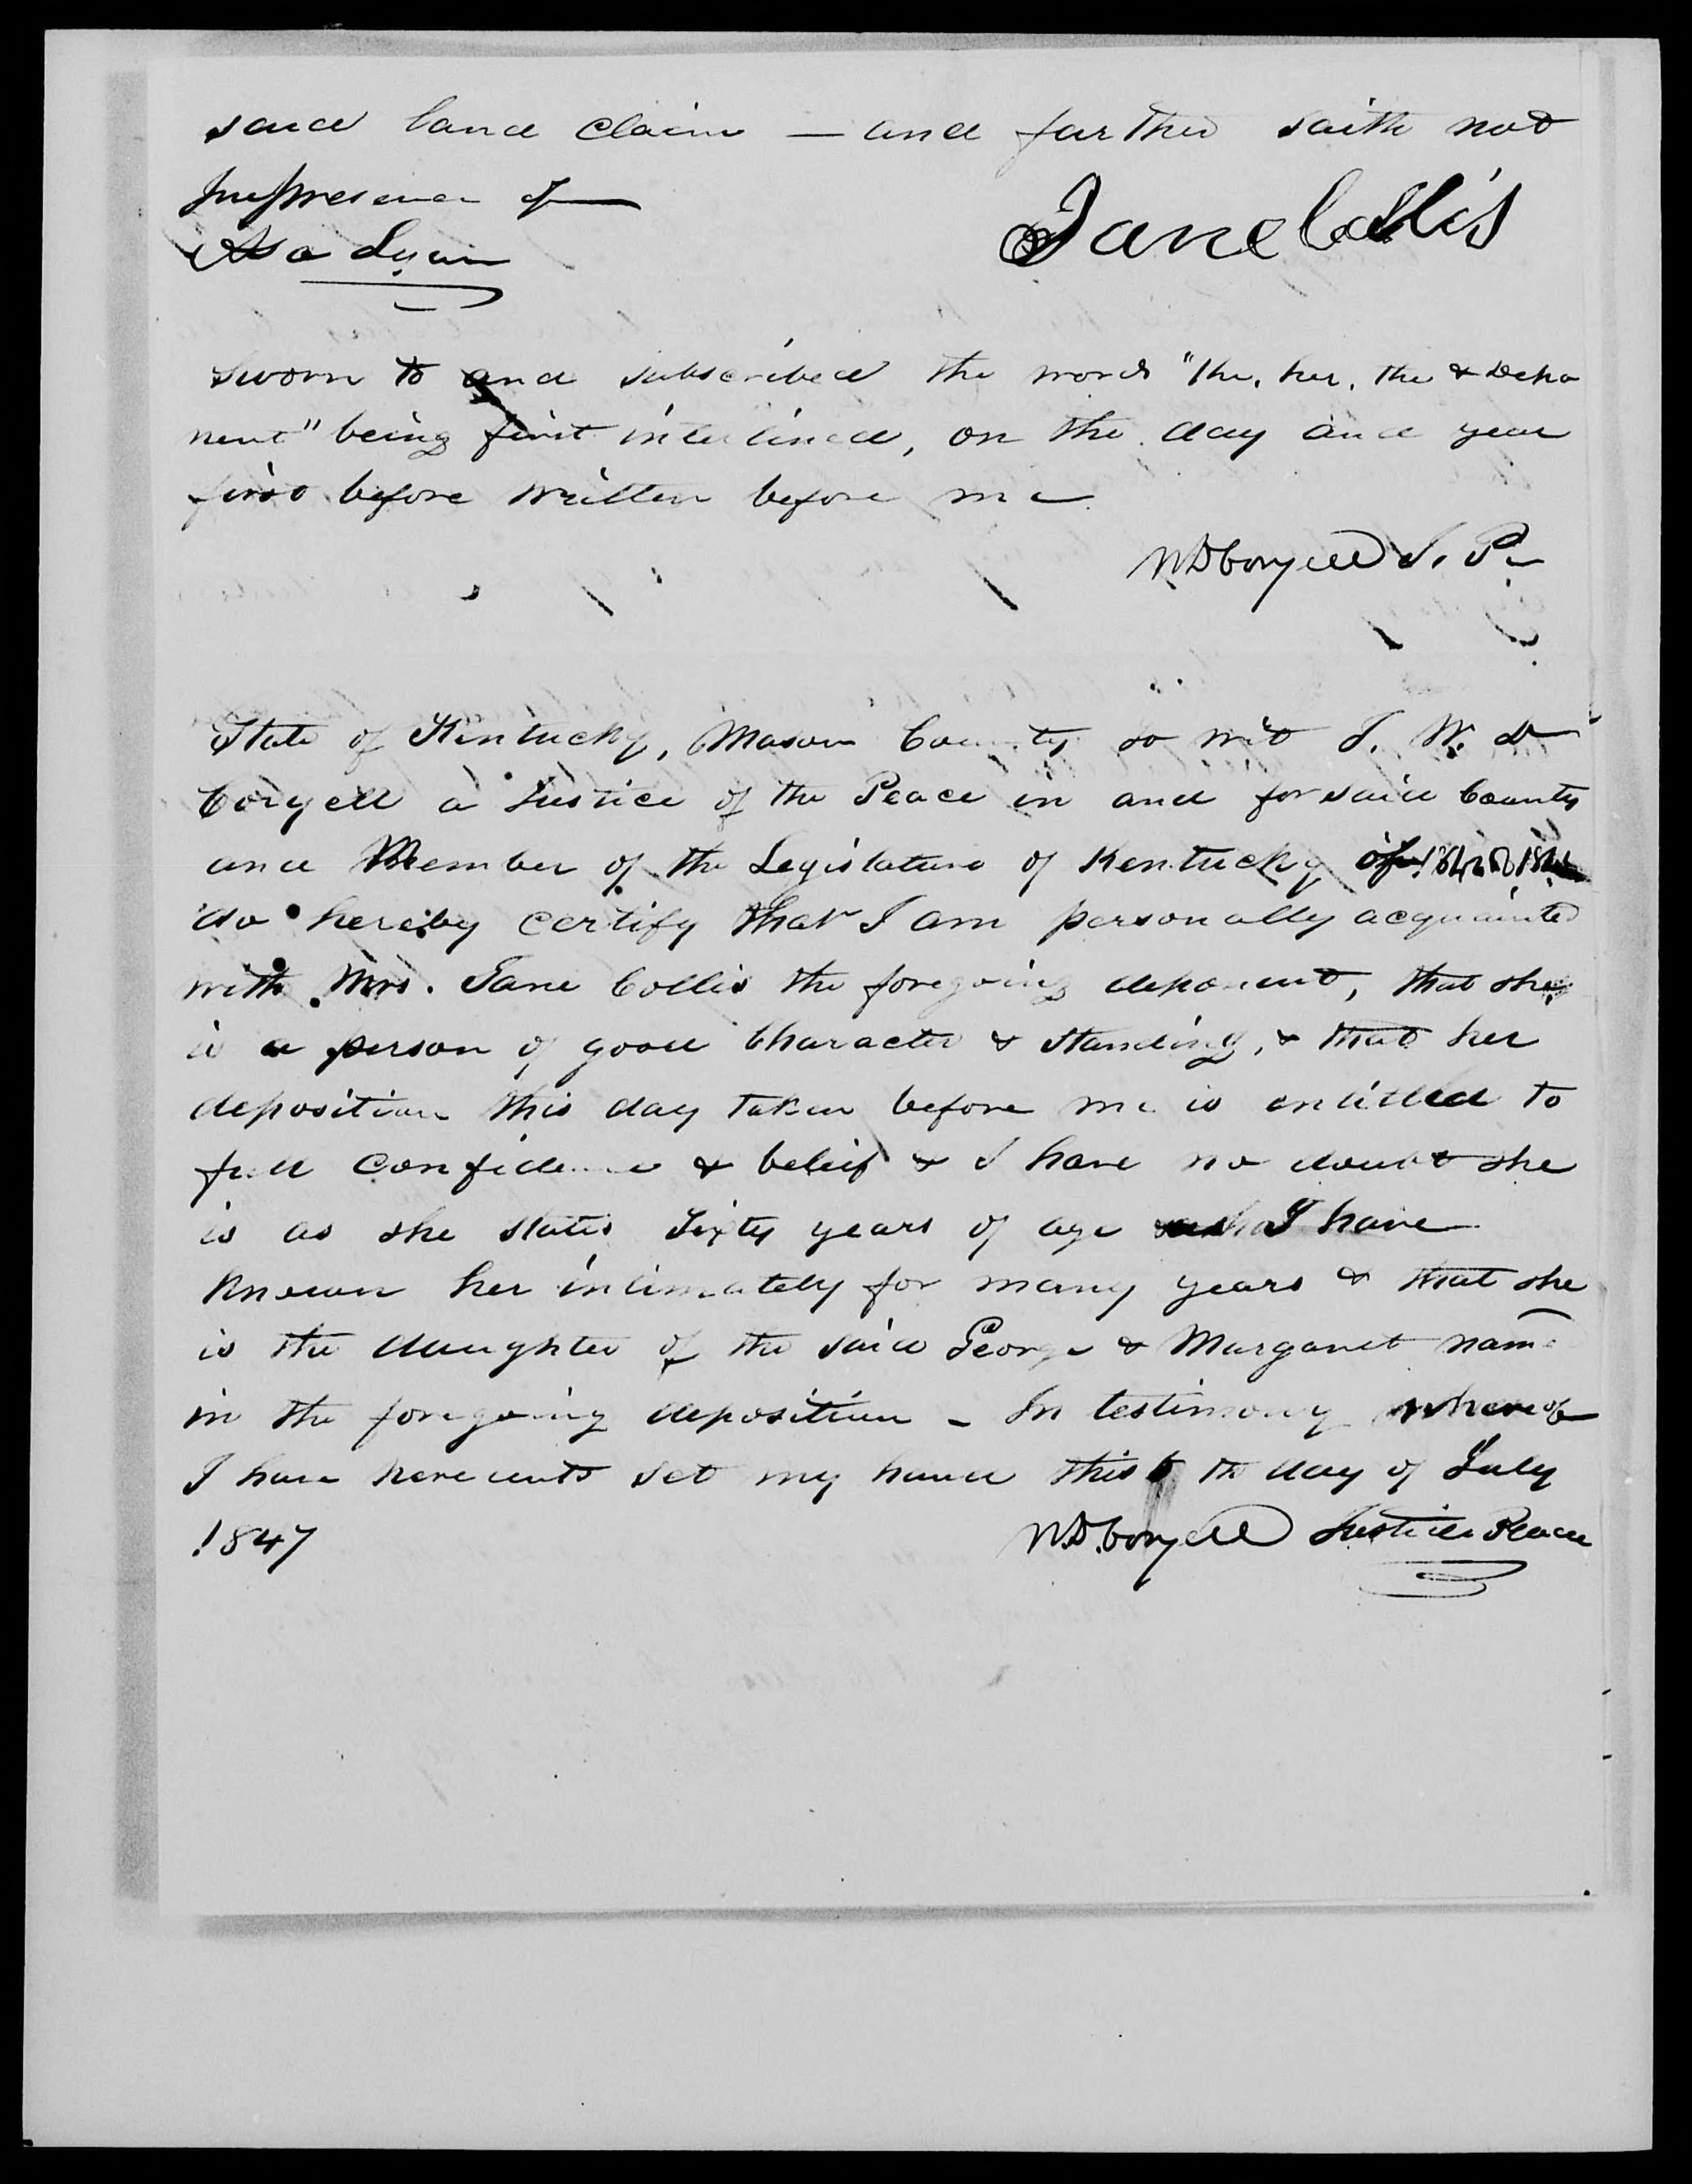said land claim - and farther saith not
In presence of
Asa Lyon Jane Collis
Sworn to and subscribed the words "the, her, the & Deponent" being first interlined, on the day and year first before written before me.
W D Coryell J.P.

State of Kentucky, Mason County to wit I, W. D. Coryell a Justice of the Peace in and for said County and Member of the Legislature of Kentucky of 1842 & 1844 do hereby certify that I am personally acquainted with Mrs. Jane Collis the foregoing deponent, that she is a person of good Character & Standing & that her deposition this day taken before me is entitled to full Confidence & belief & I have no doubt she is as she states Sixty years of age I have known her intimately for many years & that she is the daughter of the said George & Margaret named in the foregoing deposition - In testimony whereof I have hereunto set my hand this 6th day of July 1847 W. D. Coryell Justice Peace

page: 12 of 86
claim: widow's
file: W. 6661, for George Purcell, Virginia